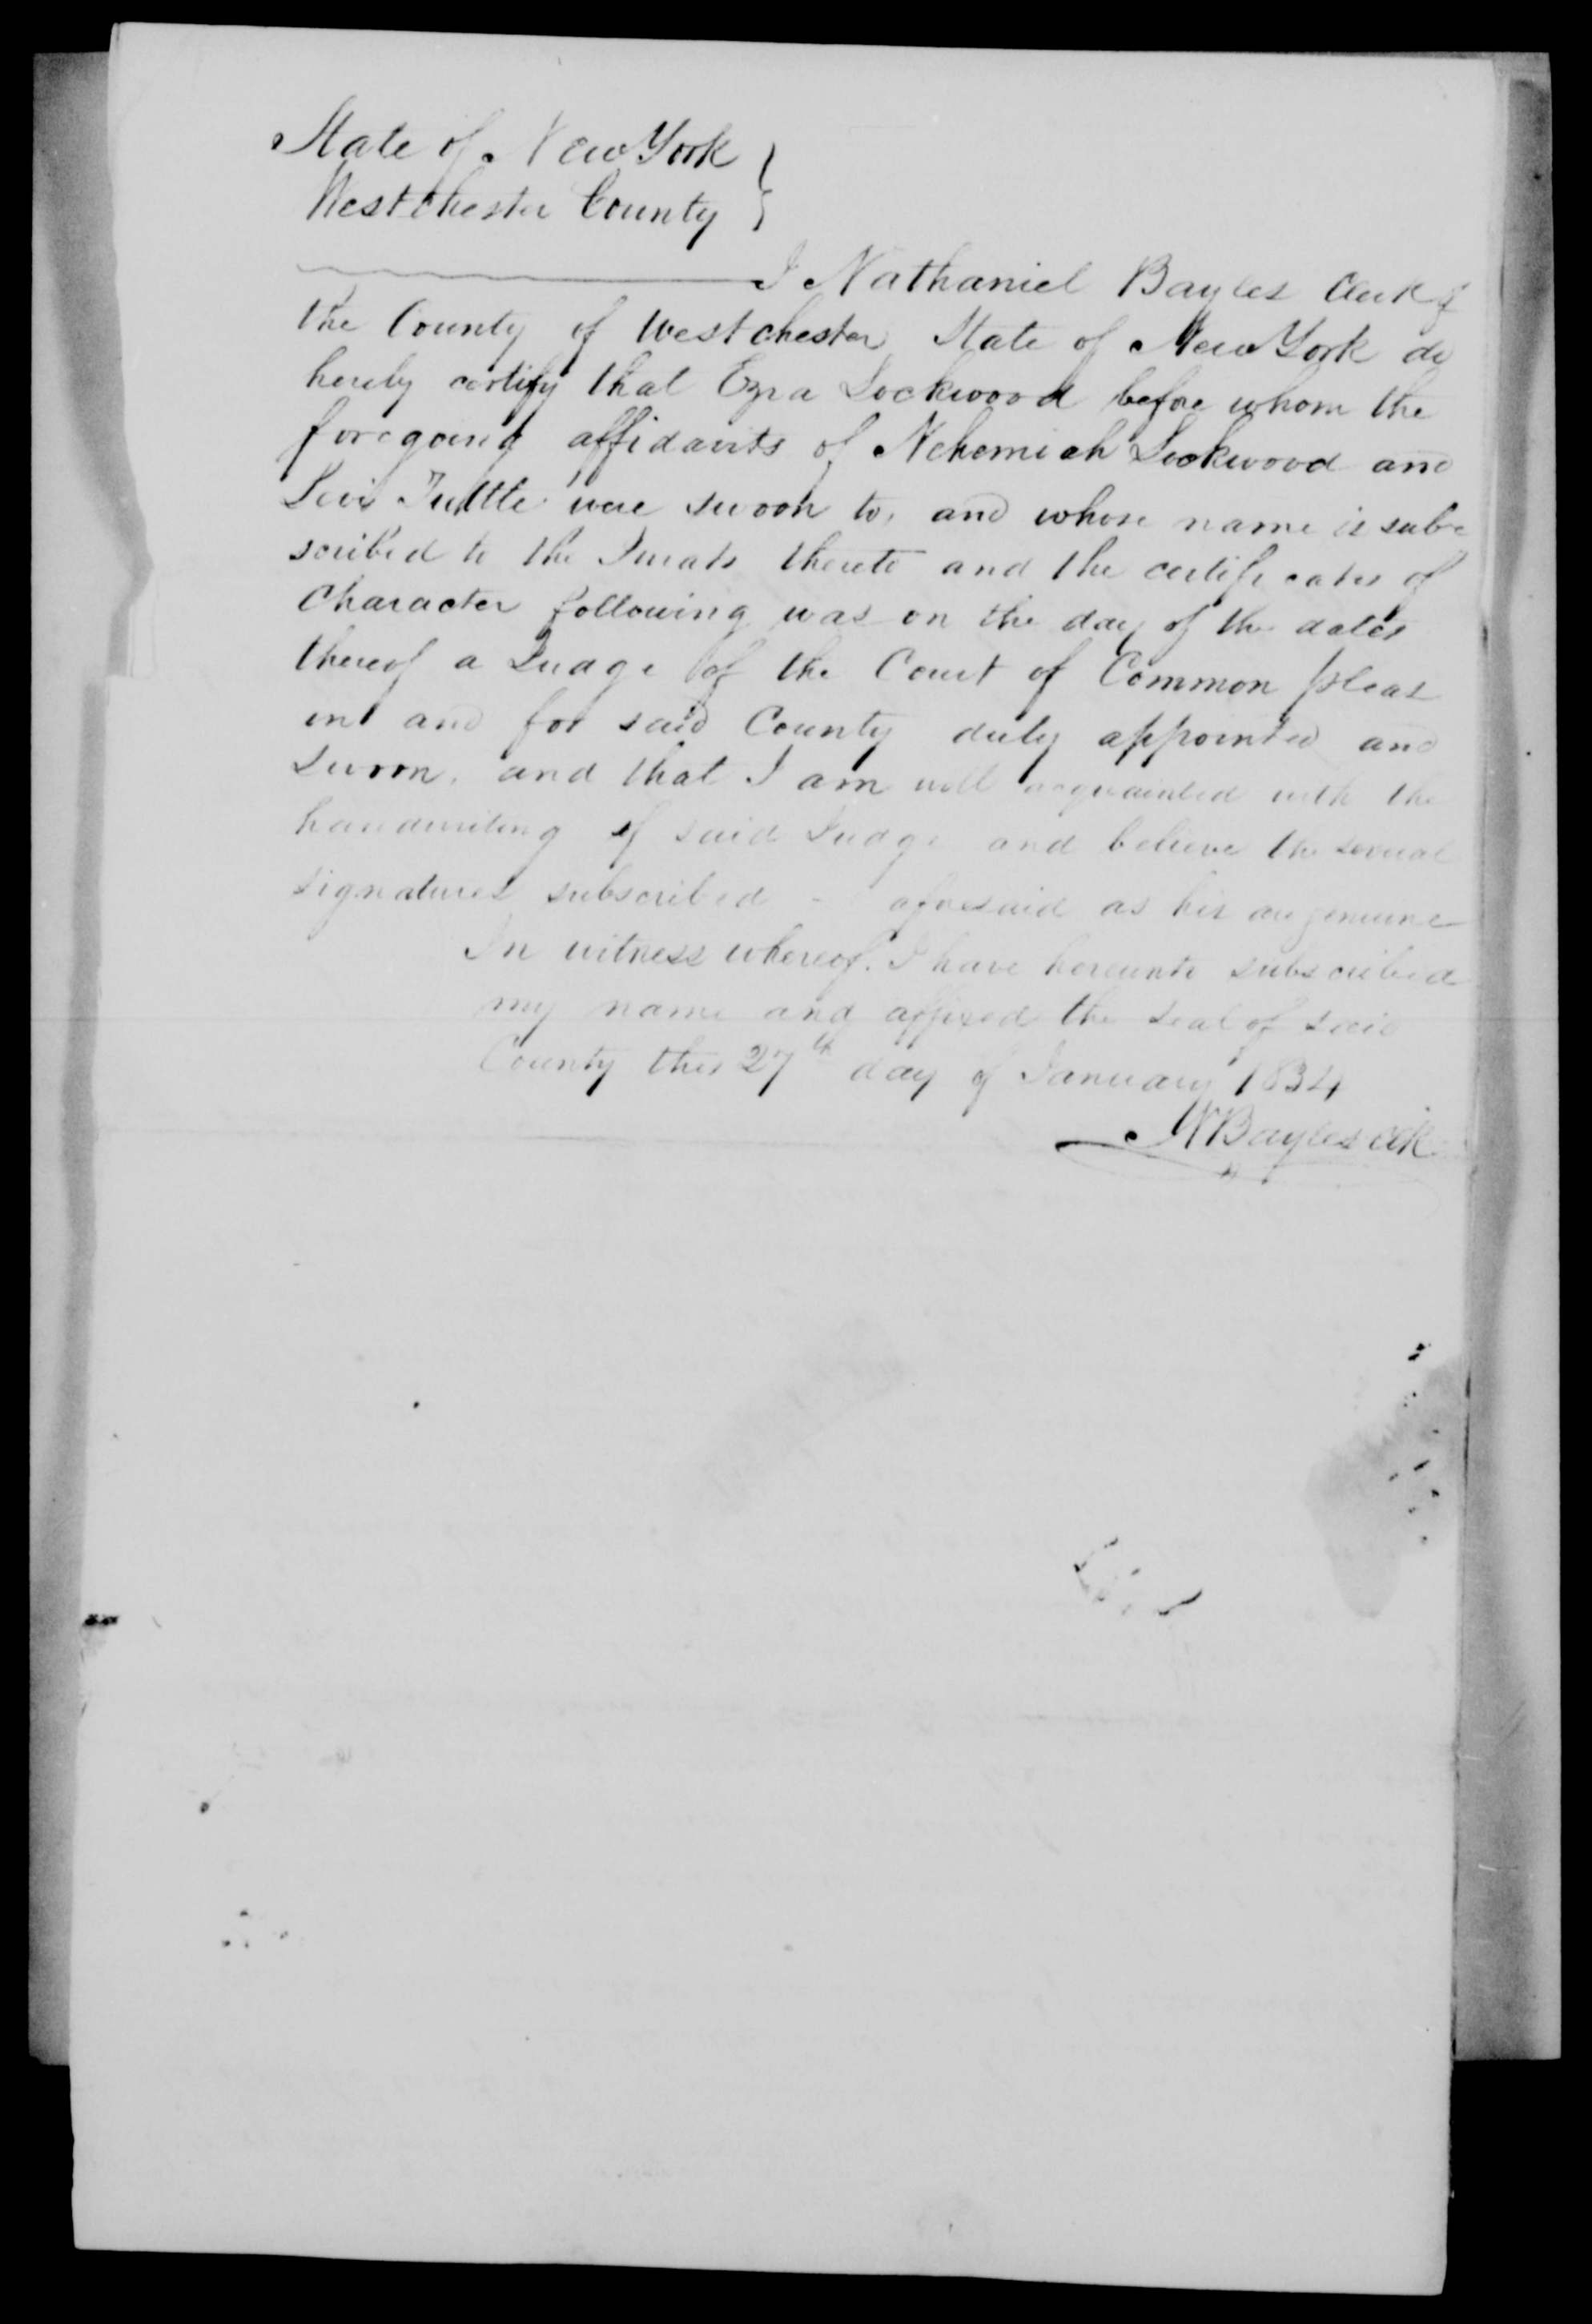State of New York 
West Chester County} ss I Nathaniel Bayles Clerk the County of Westchester State of New York do hereby certify that Ezra Lockwood before whom the foregoing affidavits of Nehemiah Lockwood and Levi Tuttle were sworn to, and whose name is subs scribed to the Jurats thereto and the certificate of character following was on the day of the dates thereof a Judge of the Court of Common Pleas in and for said County duly appointed and sworn, and that I am well acquainted with the handwriting of said Judge and believe the several signatures subscribed aforesaid as his are genuine 
In witness whereof, I have hereunto subscribed my name and affixed the seal of said County this 27th day of January 1834 
N Bayles Clerk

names: Levi Tuttle; N Bayles; Nathaniel Bayles; Nehemiah Lockwood; Ezra Lockwood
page: 70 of 87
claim: widow's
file: W. 22,226, for Nathan Slawson, Connecticut